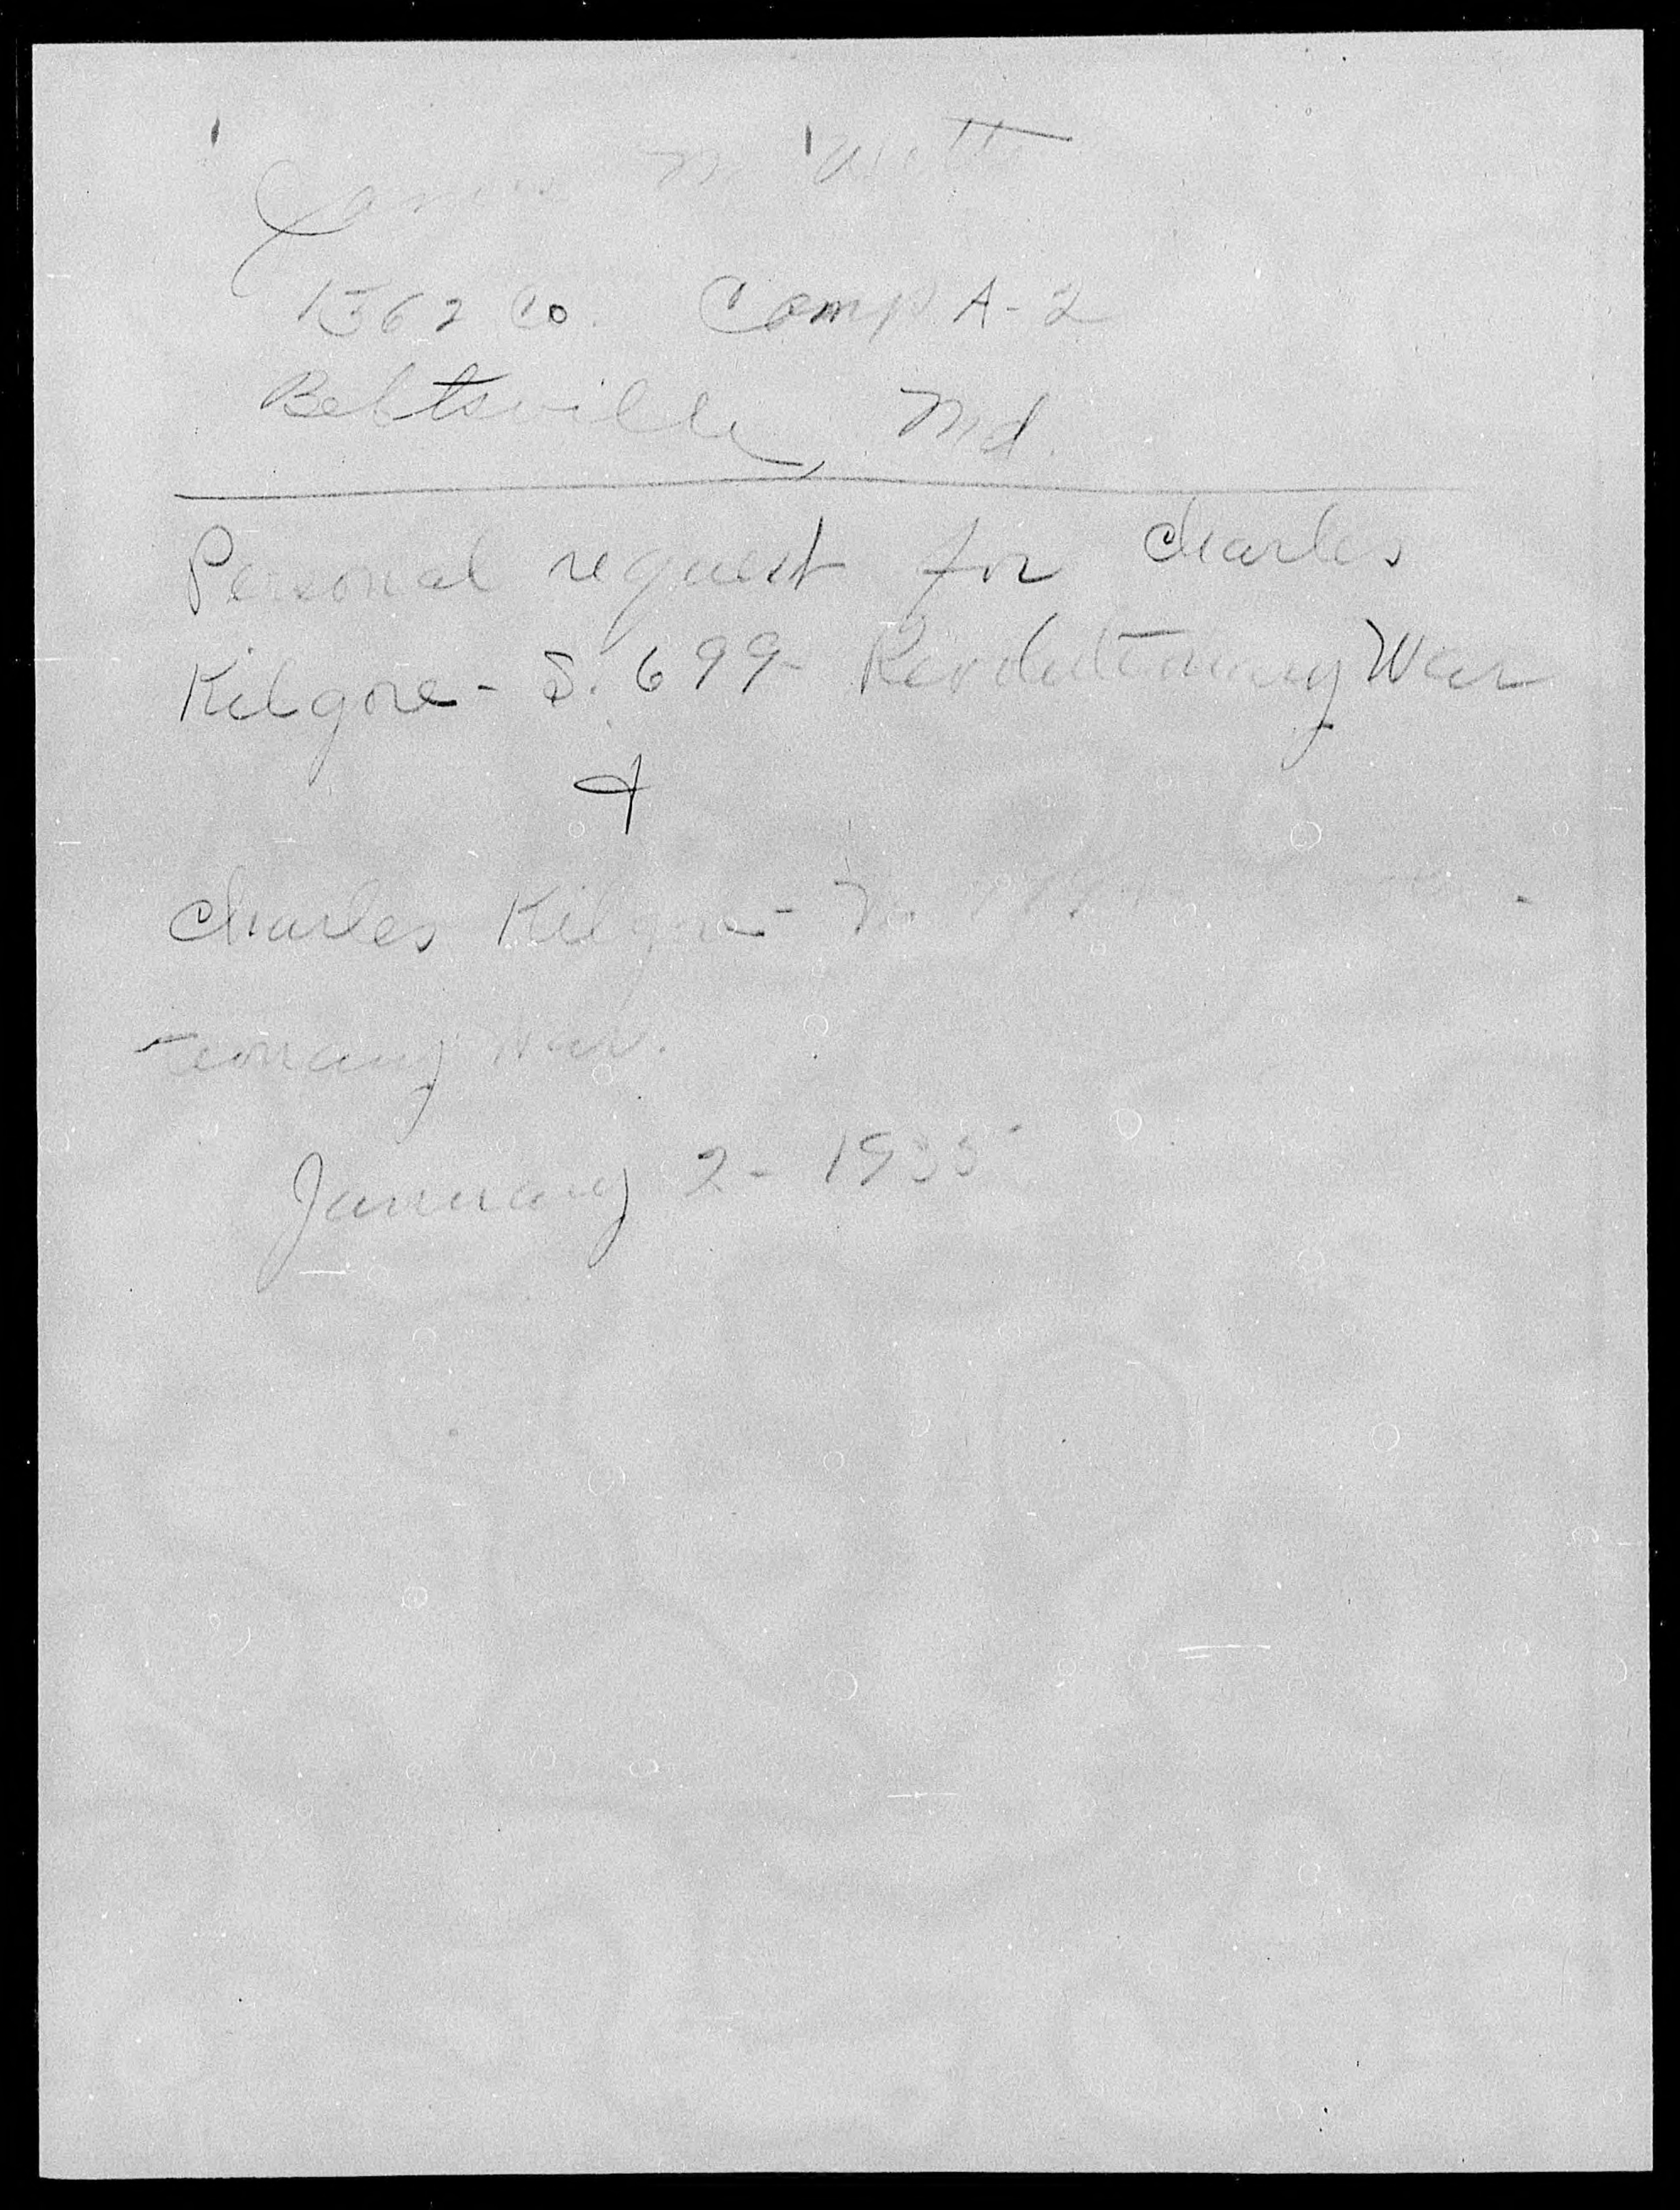James M Watts
1362 Co. Camp A-2
Beltsville, Md.

Personal request for Charles Kilgore - S. 699 - Revolutionary War & Charles Kilgore - W. 7994 Revolutionary War.
January 2 - 1835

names: Charles Kilgore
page: 70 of 115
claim: survivor's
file: S. 699, for Charles Kilgore, Virginia